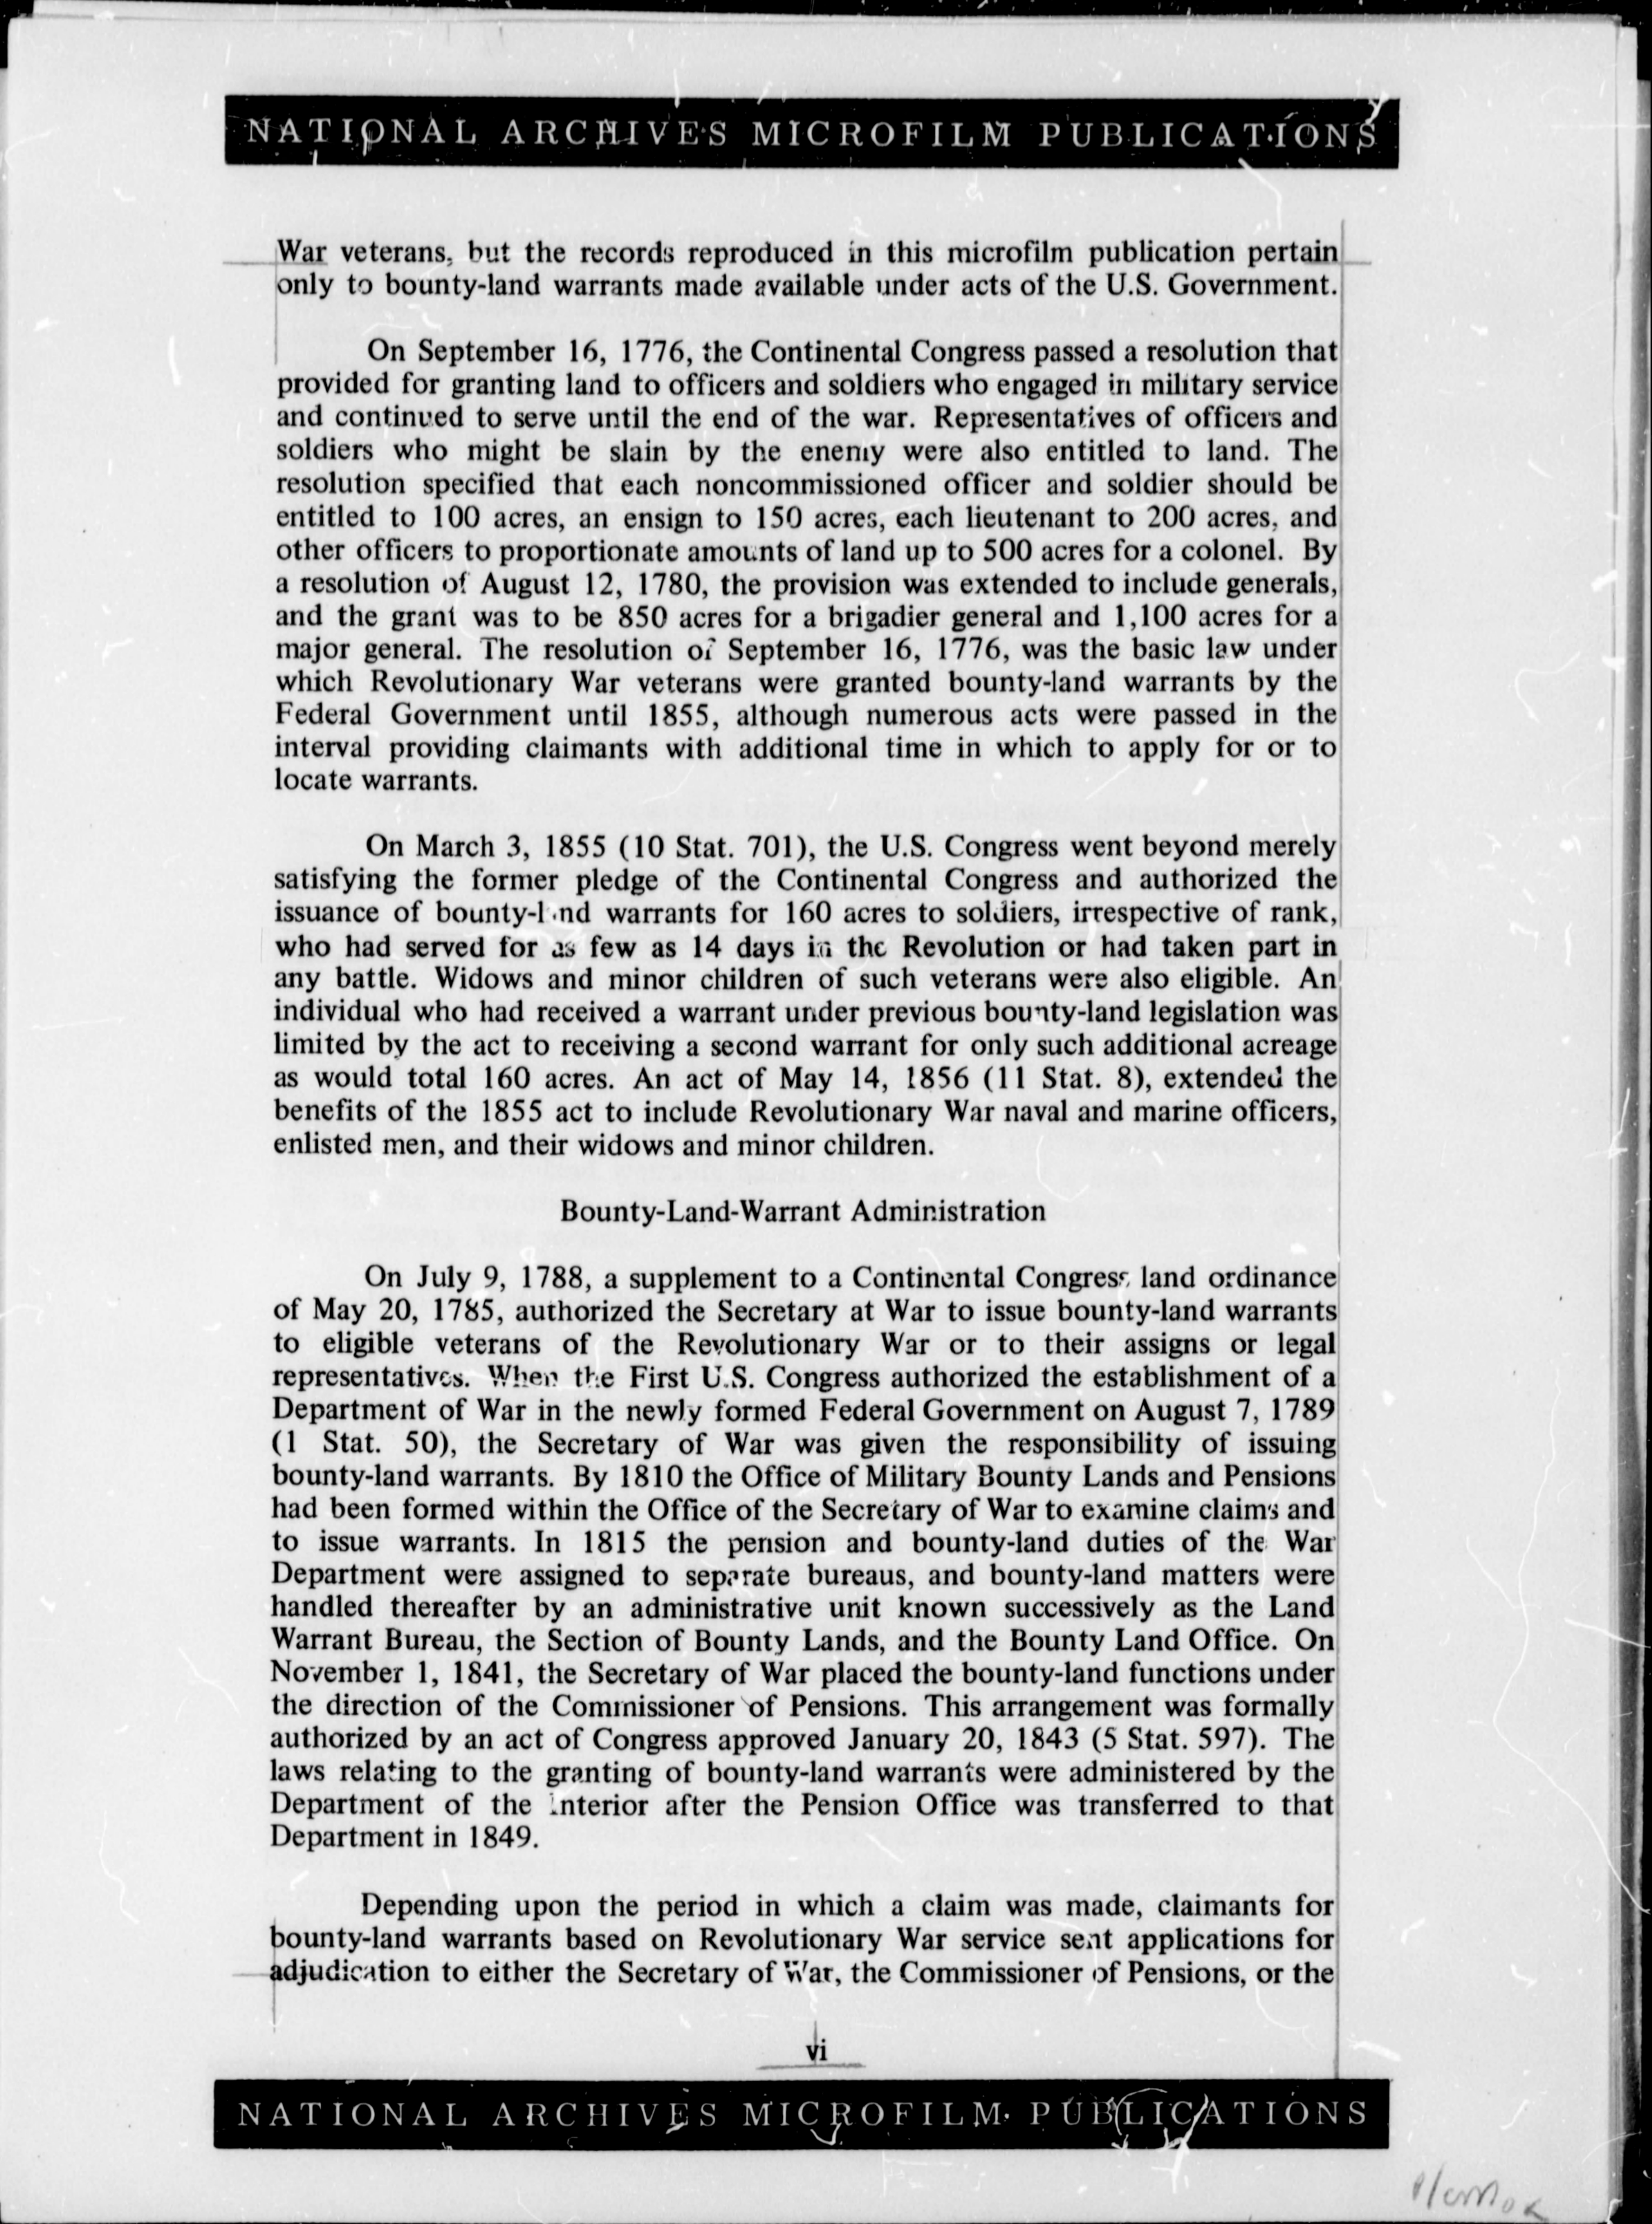NATIONAL ARCHIVES MICROFILM PUBLICATIONS

War veterans, but the records reproduced in this microfilm publication pertain only to bounty-land warrants made available under acts of the U.S. Government.

On September 16, 1776, the Continental Congress passed a resolution that provided for granting land to officers and soldiers who engaged in military service and continued to server until the end of the war. Representatives of officers and soldiers who might be slain by the enemy were also entitled to land. The resolution specified that each noncommissioned officer and soldier should be entitled to 100 acres, an ensign to 150 acres, each lieutenant to 200 acres, and other officers to proportionate amounts of land up to 500 acres for a colonel. By a resolution of August 12, 1780, the provision was extended to include generals, and the grant was to be 850 acres for a brigadier general and 1,100 acres for a major general. The resolution of September 16, 1776, was the basic law under which Revolutionary War veterans were granted bounty-land warrants by the Federal Government until 1855, although numerous acts were passed in the interval providing claimants with additional time in which to apply for or to locate warrants.

On March 3, 1855 (10 Stat. 701), the U.S. Congress went beyond merely satisfying the former pledge of the Continental Congress and authorized the issuance of bounty-land warrants for 160 acres to soldiers, irrespective of rank, who had served for as few as 14 days in the Revolution or had taken part in any battle. Widows and minor children of such veterans were also eligible. An individual who had received a warrant under previous bounty-land legislation was limited by the act to receiving a second warrant for only such additional acreage as would total 160 acres. An act of May 14, 1856 (11 Stat. 8), extended the benefits of the 1855 act to include Revolutionary War naval and marine officers, enlisted men, and their widows and minor children.

Bounty-Land-Warrant Administration

On July 9, 1788, a supplement to a Continental Congress land ordinance of May 20, 1785, authorized the Secretary at War to issue bounty-land warrants to eligible veterans of the Revolutionary War or to their assigns or legal representatives. /When the First U.S. Congress authorized the establishment of a Department of War in the newly formed Federal Government on August 7, 1789 (1 Stat. 50), the Secretary of War was given the responsibility of issuing bounty-land warrants. By 1810 the Office of Military Bounty Lands and Pensions had been formed within the Office of the Secretary of War to examine claims and to issue warrants. in 1815 the pension and bounty-land duties of the War Department were assigned to separate bureaus, and bounty-land matters were handled thereafter by an administrative unit known successively as the Land Warrant Bureau, the Section of Bounty Lands, and the Bounty Land Office. On November 1, 1841, the Secretary of War laced the bounty-land functions under the direction of the Commissioner of Pensions. This arrangement was formally authorized by an act of Congress approved January 20, 1843 (5 Stat. 597). The laws relating to the granting of bounty-land warrants were administered by the Department of the Interior after the Pension Office was transferred to that Department in 1849.

Depending upon the period in which a claim was made claimants for bounty-land warrants based on Revolutionary War service sent applications for adjudication to either the Secretary of War, the Commissioner of Pensions, or the 

NATIONAL ARCHIVES MICROFILM PUBLICATIONS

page: 6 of 61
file: Revolutionary War Pension and Bounty Land Warrant Application File